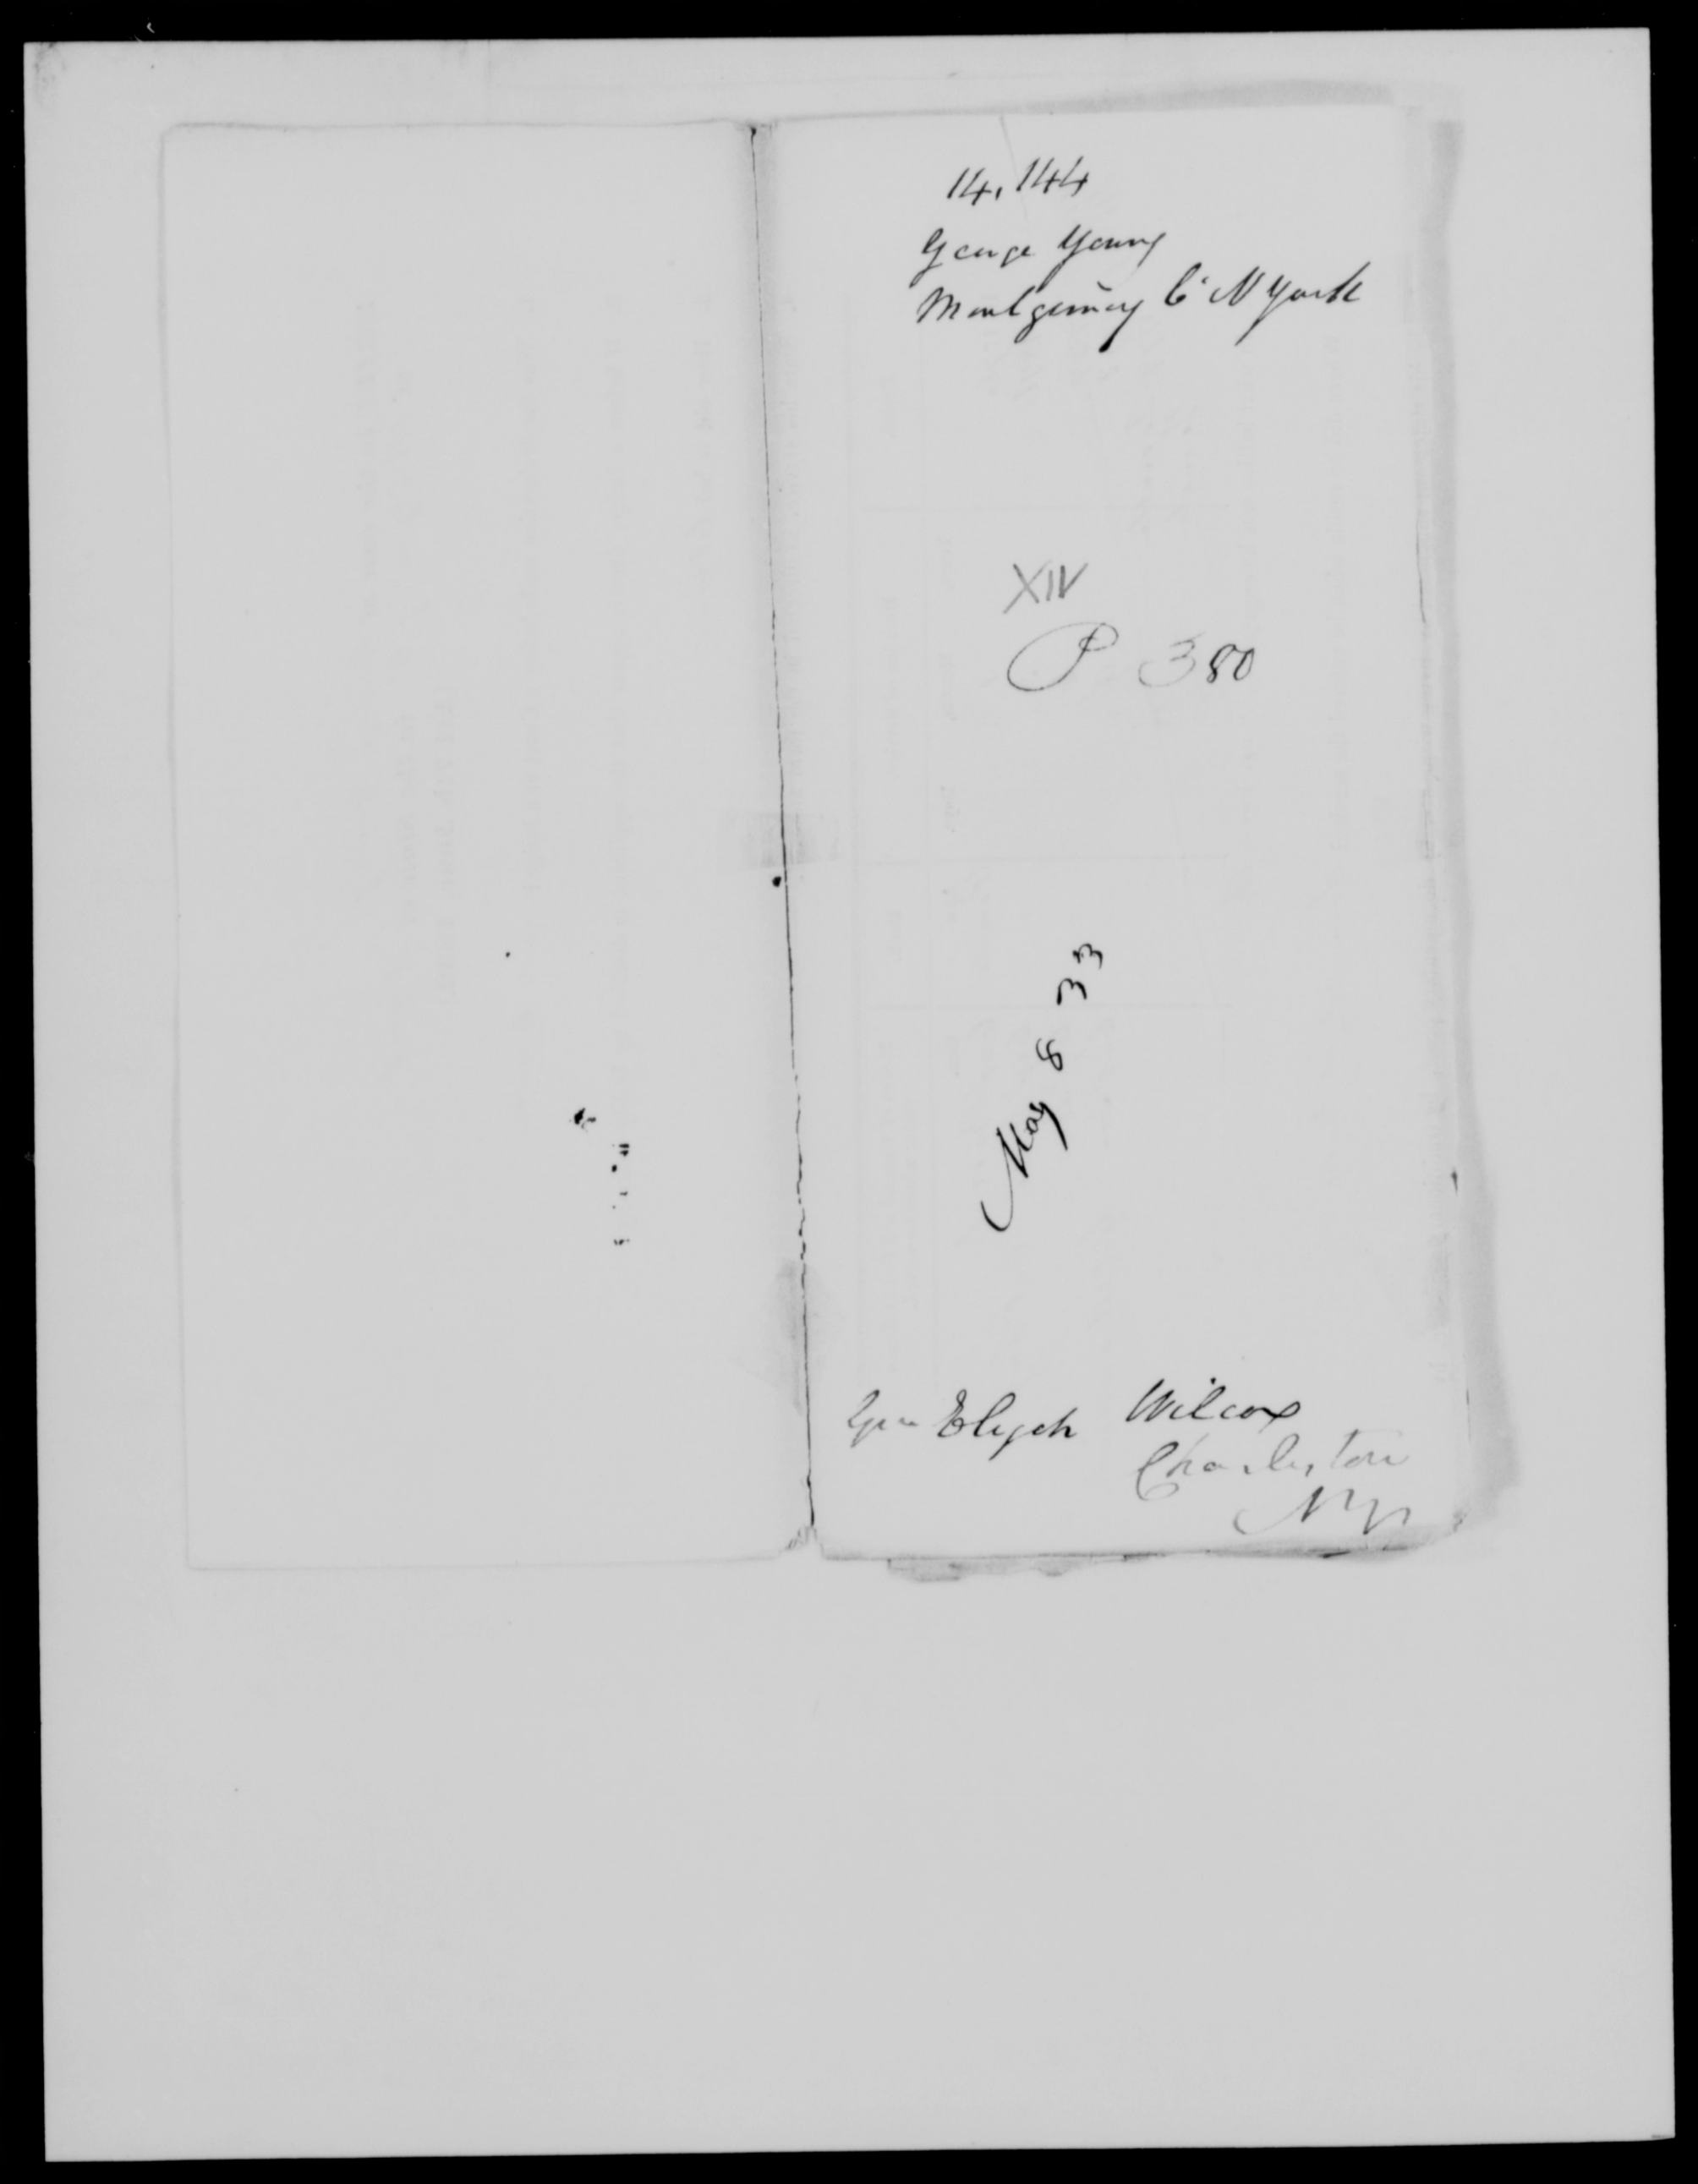Geo Elijah
14, 144
George Young
Montgomery C N York
XIV
380
May 8 33
Elijah Wilcox
Charleston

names: Elijah Wilcox, George Young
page: 24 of 67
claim: widow's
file: W. 7379, George Young, New Jersey